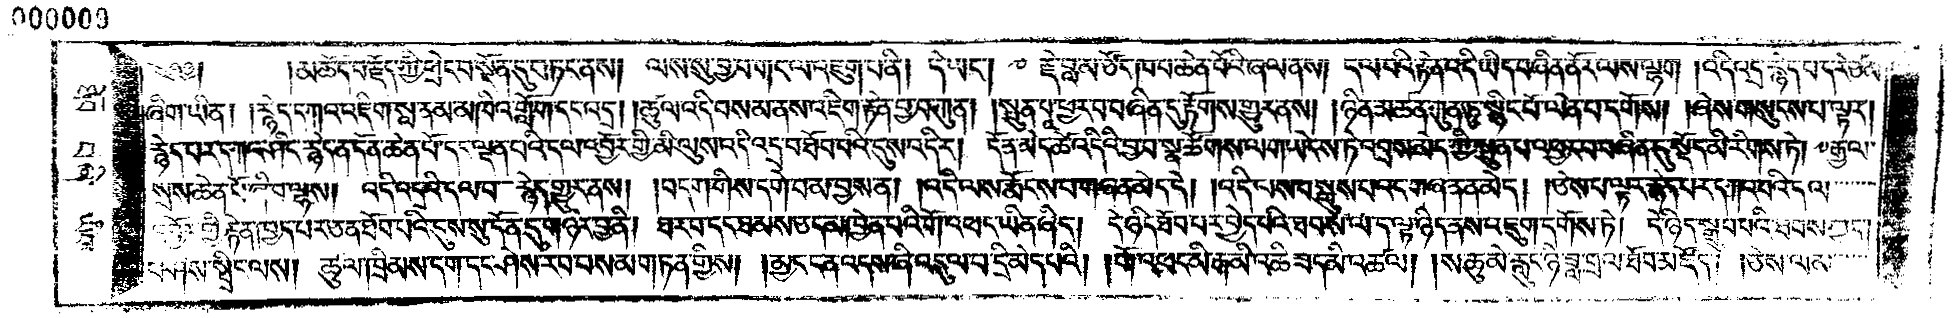༄༅། །མཆོད་བརྗོད་ཀྱི་ཕྲེང་བ་སྔོན་དུ་བཏང་ནས། ལས་སུ་བྱ་བ་གང་ལ་འཇུག་པ་ནི། དེ་ཡང་། ༧རྗེ་བླ་མ་ཙོང་ཁ་པ་ཆེན་པོའི་ཞལ་ནས། དལ་བའི་རྟེན་འདི་ཡིད་བཞིན་ནོར་ལས་ལྷག །འདི་འདྲ་རྙེད་པ་དེར་ཙམ་
ཞིག་ཡིན། །རྙེད་དཀའ་འཇིག་སླ་ནམ་མཁའི་གློག་དང་འདྲ། །ཚུལ་འདི་བསམ་ནས་འཇིག་རྟེན་བྱ་བ་ཀུན། །སྤུན་པཱ་ཕྱར་བ་བཞིན་དུ་རྟོགས་གྱུར་ནས། །ཉིན་མཚན་ཀུན་ཏུ་སྙིང་པོ་ལེན་པ་དགོས། །ཞེས་གསུངས་པ་ལྟར།
རྙེད་པར་དཀའ་ཤིང་རྙེད་ན་དོན་ཆེན་པོ་དང་ལྡན་པའི་དལ་འབྱོར་གྱི་མི་ལུས་འདི་འདྲ་བ་ཐོབ་པའི་དུས་འདིར། དོན་མེད་ཚེ་འདིའི་བྱ་བ་སྣ་ཚོགས་ལ་གཡེངས་ཏེ་འབྲས་མེད་ཀྱི་སྤུན་པ་འཕྱར་བ་བཞིན་དུ་སྡོད་མི་རིགས་ཏེ། ༧རྒྱལ་
སྲས་ཆེན་པོ་ཞིབ་ལྷས། འདི་འདྲའི་དལ་བ་རྙེད་གྱུར་ནས། །བདག་གིས་དགེ་བ་མ་བྱས་ན། །འདི་ལས་རྨོངས་པ་གཞན་མེད་དེ། །འདི་ལས་བསླུས་པའང་གཞན་ན་མེད། །ཅེས་པ་ལྟར་རྙེད་པར་དཀའ་བའི་དལ་
འབྱོར་གྱི་རྟེན་ཁྱད་པར་ཅན་ཐོབ་པའི་དུས་སུ་དོན་དུ་གཉེར་བྱ་ནི། ཐར་བ་དང་ཐམས་ཅད་མཁྱེན་པའི་གོ་འཕང་ཡིན་ཞིང་། དེ་ཉིད་ཐོབ་པར་བྱེད་པའི་ཐབས་ལ་ད་ལྟ་ཉིད་ནས་འཇུག་དགོས་ཏེ། དེ་ཉིད་སྒྲུབ་པའི་ཐབས་ཀྱང་།
བཤེས་སྤྲིང་ལས། ཚུལ་ཁྲིམས་དག་དང་ཤེས་རབ་བསམ་གཏན་གྱིས། །མྱང་ངན་འདས་ཞི་འདུལ་བ་དྲི་མེད་པའི། །གོ་འཕང་མི་རྒ་མི་འཆི་ཟད་མི་འཚལ། །ས་ཆུ་མེ་རླུང་ཉི་ཟླ་གྲལ་ཐོབ་མཛོད། །ཅེས་ལམ་